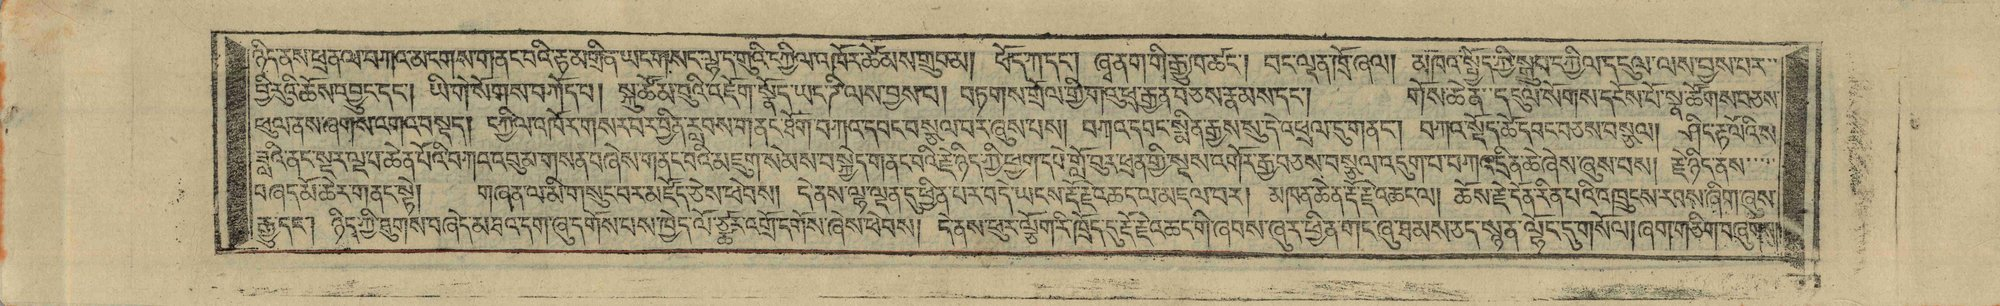ཉིད་ནས་ཕྲན་ལ་བཀའ་མངགས་གནང་བའི་རྟ་མགྲིན་ཡང་གསང་ལྷ་དགུའི་དཀྱིལ་འཁོར་ཚེམས་གྲུབ་མ། ཕོད་ཀ་དང་། ཞྭ་ནག་གི་རྒྱུ་ཁ་ཚང་། བང་ལྡན་ཁྲོ་ཞལ། མཁའ་སྤྱོད་ཀྱི་སྒྲུབ་དཀྱིལ་དངུལ་ལས་བྱས་པར་
བྱི་རུའི་ཆོས་འབྱུང་དང་། ཡི་གེ་སོགས་བཀོད་པ། སྐུ་ཚོམ་བུའི་འཇོག་སྣོད་ཡང་ཌི་ལས་བྱས་པ། བཏགས་གྲོལ་གྱི་གའུ་ཕྲ་རྒྱན་བཅས་རྣམས་དང་། གོས་ཆེན་དངུལ་སོགས་དངོས་པོ་སྣ་ཚོགས་བཅས་
ཕུལ་ནས་ཞགས་འགའ་བསྡད། དཀྱིལ་འཁོར་གསར་པར་བྱིན་རླབས་གནང་ཐོག་བཀའ་དབང་བསྩལ་བར་ཞུས་པས། བཀའ་དབང་སྨིན་རྒྱས་སུ་དེ་འཕྲལ་དུ་གནང་། བཀའ་སྡོད་ཚེ་དབང་བཅས་བསྩལ། ཤིང་རྟ་ལོའི་ས་
ཟླའི་ནང་སྔར་ལྔ་པ་ཆེན་པོའི་བཀའ་འབུམ་གསན་བཞེས་གནང་བའི་མཇུག་སེམས་བསྐྱེད་གནང་བའི་རྗེ་ཉིད་ཀྱི་ཕྱག་དཔེ་གློ་བུར་ཕྲན་གྱི་སྡས་འགོར་རྒྱ་བཅས་བསྩལ་འདུག་པ་བཀའ་དྲིན་ཆེ་ཞེས་ཞུས་པས། རྗེ་ཉིད་ནས་
བཞད་མོ་ཆེར་གནང་སྟེ། གཞན་ལ་མི་གསུང་བར་མཛོད་ཅེས་ཕེབས། དེ་ནས་ལྷ་ལྡན་དུ་ཕྱིན་པར་བདེ་ཡངས་རྡོ་རྗེ་འཆང་ལ་མཇལ་བར། མཁན་ཆེན་རྡོ་རྗེ་འཆང་ལ། ཆོས་རྗེ་དོན་རིན་པའི་འཁྲུངས་རབས་ཞིག་ཞུས་
རྒྱུ་དང་། ཉིད་ཀྱི་ཐུགས་བཞེད་མཐའ་དག་ཞུ་དགོས་པས་ཁྱེད་ལོ་ཙྪར་འགྲོ་དགོས་ཞེས་ཕེབས། དེ་ནས་ཕུར་ལྕོག་རི་ཁྲོད་དུ་རྡོ་རྗེ་འཆང་གི་ཞབས་ཞུར་ཕྱིན་གང་ཞུ་ཐམས་ཅད་སྙན་ལྷོང་དུ་གསོལ། ཞག་གཅིག་བཞུགས།